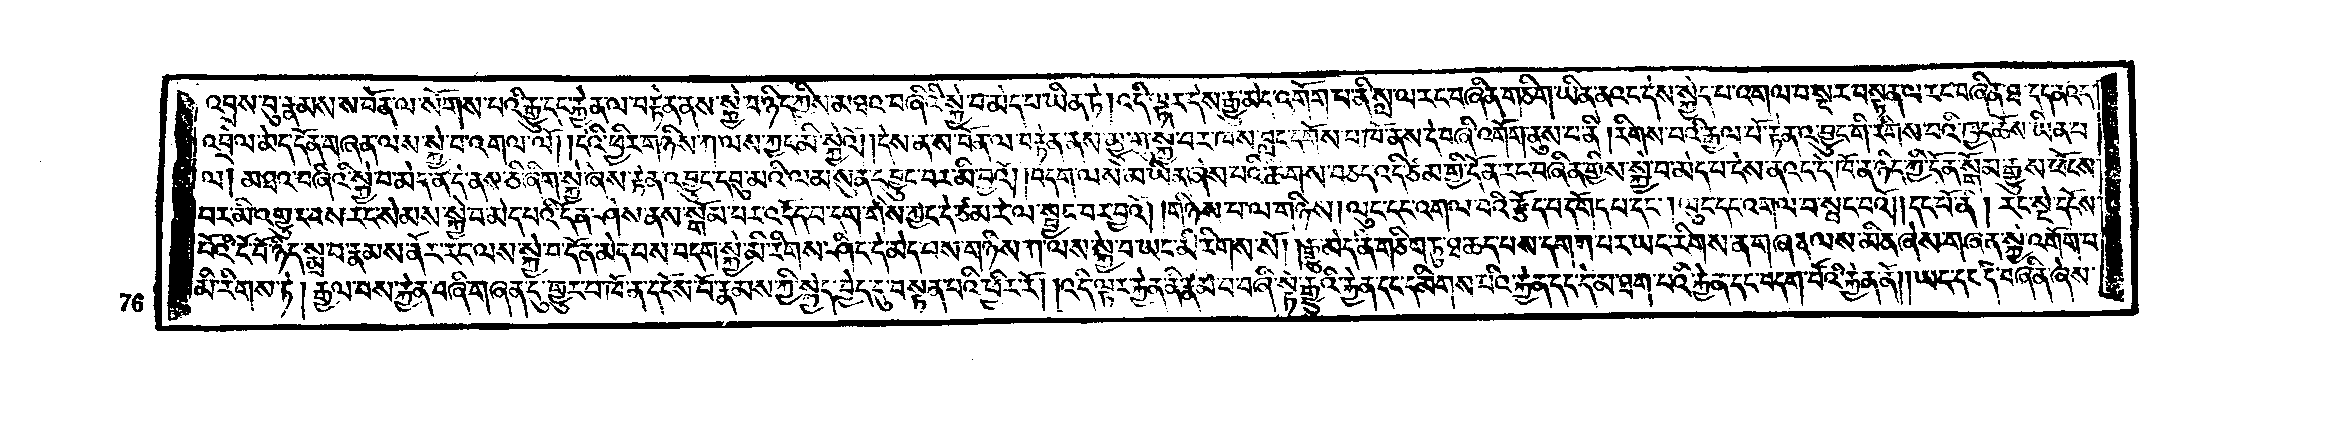འབྲས་བུ་རྣམས་ས་བོན་ལ་སོགས་པའི་རྒྱུ་དང་རྐྱེན་ལ་བརྟེན་ནས་སྐྱེ་བ་ཉིད་ཀྱིས་མཐའ་བཞིའི་སྐྱེ་བ་མེད་པ་ཡིན་ཏེ། འདི་ལྟར་དེས་རྒྱུ་མེད་འགོག་པ་ནི་སླ་ལ་རང་བཞིན་གཅིག་ཡིན་ནའང་དེས་སྐྱེད་པ་འགལ་བ་སྔར་བསྟན་ལ་རང་བཞིན་ཐ་དད་ནའང་
འབྲེལ་མེད་དོན་གཞན་ལས་སྐྱེ་བ་འགལ་ལོ། །དེའི་ཕྱིར་གཉིས་ཀ་ལས་ཀྱང་མི་སྐྱེའོ། །དེས་ན་ས་བོན་ལ་བརྟེན་ནས་མྱུ་གུ་སྐྱེ་བར་ཁས་བླང་དགོས་པ་ཁོ་ནས་དེ་བཞི་འགོག་ནུས་པ་ནི་།རིགས་པའི་རྒྱལ་པོ་རྟེན་འབྱུང་གི་རིགས་པའི་ཁྱད་ཆོས་ཡིན་པ་
ལ༑ མཐའ་བཞིའི་སྐྱེ་བ་མེད་ན་དེ་ནས་ཅི་ཞིག་སྐྱེ་ཞེས་རྟེན་འབྱུང་དབུ་མའི་ལམ་སུན་དབྱུང་བར་མི་བྱའོ། །བདག་ལས་མ་ཡིན་ཞེས་པའི་ཚིགས་བཅད་འདི་ཙམ་གྱི་དོན་རང་བཞིན་གྱིས་སྐྱེ་བ་མེད་པ་ངེས་ནའང་དེ་ཁོ་ན་ཉིད་ཀྱི་དོན་སྒོམ་རྒྱུས་ཕོངས་པར་མི་འགྱུར་བས་རང་སེམས་སྐྱེ་བ་མེད་པའི་དོན་ཤེས་ནས་སྒོམ་པར་འདོད་པ་དག་གིས་ཀྱང་དེ་ཙམ་རེ་ལ་སྦྱང་བར་བྱའོ། །གཉིས་པ་ལ་གཉིས། ལུང་དང་འགལ་བའི་རྩོད་པ་དགོད་པ་དང་། ལུང་དང་འགལ་བ་སྤང་བའོ། །དང་པོ་ནི། རང་གི་སྡེ་དངོས་
པོའི་ངོ་བོ་ཉིད་སྨྲ་བ་རྣམས་ན་རེ་རང་ལས་སྐྱེ་བ་དོན་མེད་པས་བདག་སྐྱེ་མི་རིགས་ཤིང་དེ་མེད་པས་གཉིས་ཀ་ལས་སྐྱེ་བ་ཡང་མི་རིགས་སོ། །རྒྱུ་མེད་ནི་གཅིག་ཏུ་ཐ་ཆད་པས་དགག་པར་ཡང་རིགས་ན་གཞན་ལས་མིན་ཞེས་གཞན་སྐྱེ་འགོག་པ་
མི་རིགས་ཏེ། རྒྱལ་བས་རྐྱེན་བཞི་གཞན་དུ་གྱུར་པ་ཁོ་ན་དངོས་པོ་རྣམས་ཀྱི་སྐྱེད་བྱེད་དུ་བསྟན་པའི་ཕྱིར་རོ། །འདི་ལྟར་རྐྱེན་ནི་རྣམ་པ་བཞི་སྟེ་རྒྱུའི་རྐྱེན་དང་དམིགས་པའི་རྐྱེན་དང་དེ་མ་ཐག་པའི་རྐྱེན་དང་བདག་པོའི་རྐྱེན་ནོ། །ཡང་དང་དེ་བཞིན་ཞེས་